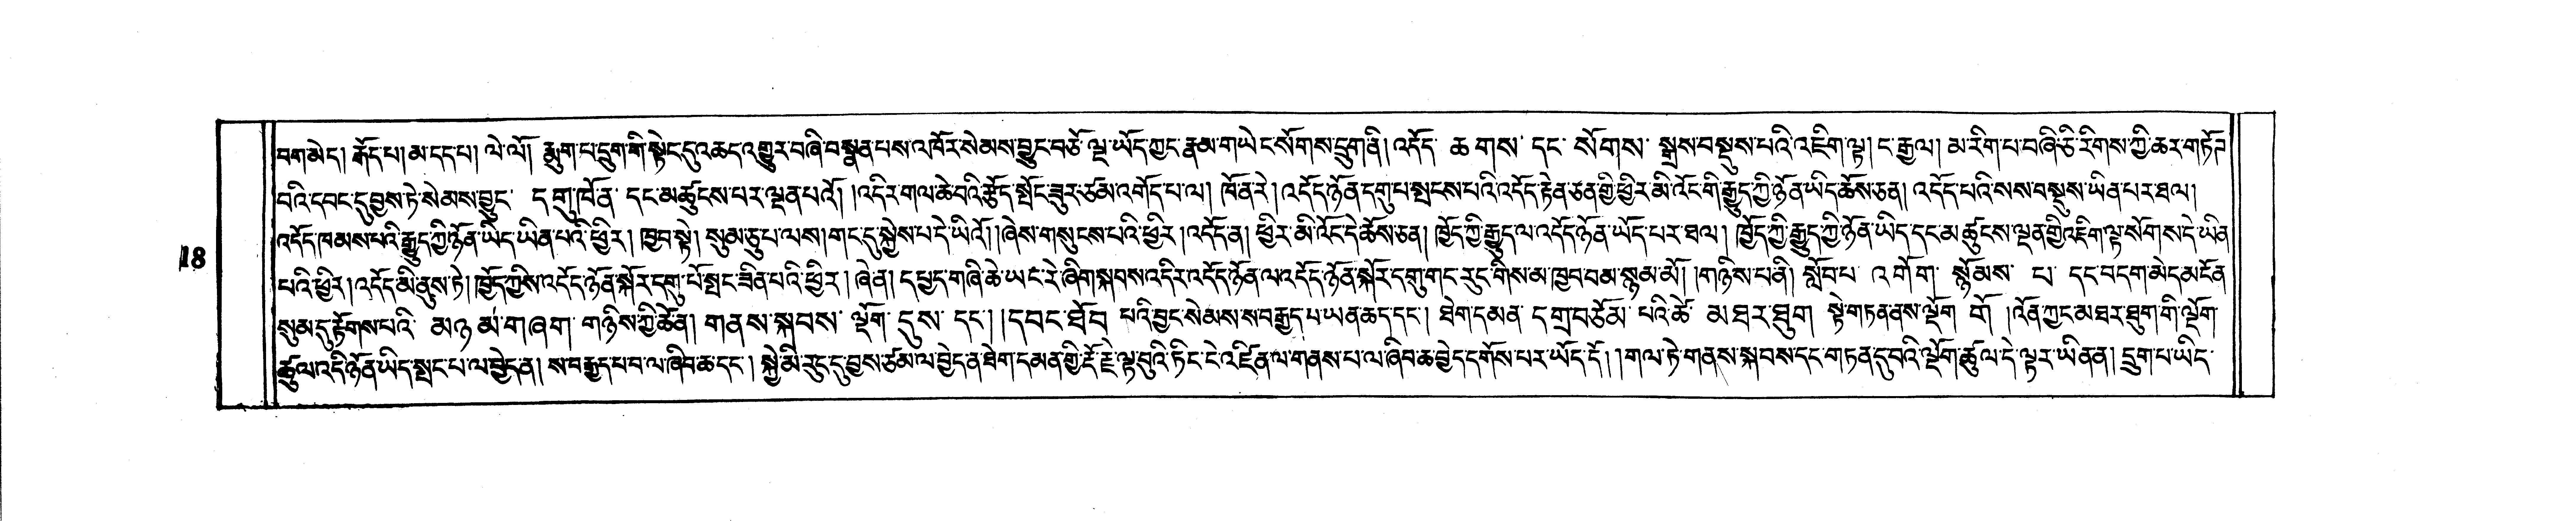བག་མེད། རྒོད་པ། མ་དད་པ། ལེ་ལོ། རྨུག་པ་དྲུག་གི་སྟེང་དུ་འཆད་འགྱུར་བཞི་བསྣན་པས་འཁོར་སེམས་བྱུང་བཅོ་ལྔ་ཡོད་ཀྱང་རྣམ་གཡེང་སོགས་དྲུག་ནི། འདོད་ཆགས་དང་སོགས་སྒྲས་བསྡུས་པའི་འཇིག་ལྟ། ང་རྒྱལ། མ་རིག་པ་བཞི་ཅི་རིགས་ཀྱི་ཆར་གཏོགས་
པའི་དབང་དུ་བྱས་ཏེ་སེམས་བྱུང་དགུ་ཁོ་ན་དང་མཚུངས་པར་ལྡན་པའོ། །འདིར་གལ་ཆེ་བའི་རྩོད་སྤོང་ཟུར་ཙམ་འགོད་པ་ལ། ཁོ་ན་རེ། འདོད་ཉོན་དགུ་པ་སྤངས་པའི་འདོད་རྟེན་ཅན་གྱི་ཕྱིར་མི་འོང་གི་རྒྱུད་ཀྱི་ཉོན་ཡིད་ཆོས་ཅན། འདོད་པའི་སས་བསྡུས་ཡིན་པར་ཐལ།
འདོད་ཁམས་པའི་རྒྱུད་ཀྱི་ཉོན་ཡིད་ཡིན་པའི་ཕྱིར། ཁྱབ་སྟེ། སུམ་ཅུ་པ་ལས། གང་དུ་སྐྱེས་པ་དེ་ཡིའོ། །ཞེས་གསུངས་པའི་ཕྱིར། འདོད་ན། ཕྱིར་མི་འོང་དེ་ཆོས་ཅན། ཁྱོད་ཀྱི་རྒྱུད་ལ་འདོད་ཉོན་ཡོད་པར་ཐལ། ཁྱོད་ཀྱི་རྒྱུད་ཀྱི་ཉོན་ཡིད་དང་མཚུངས་ལྡན་གྱི་འཇིག་ལྟ་སོགས་དེ་ཡིན་
པའི་ཕྱིར། འདོད་མི་ནུས་ཏེ། ཁྱོད་ཀྱིས་འདོད་ཉོན་སྐོར་དགུ་པོ་སྤང་ཟིན་པའི་ཕྱིར། ཞེ་ན། དཔྱད་གཞི་ཆེ་ཡང་རེ་ཞིག་སྐབས་འདིར་འདོད་ཉོན་ལ་འདོད་ཉོན་སྐོར་དགུ་གང་རུང་གིས་མ་ཁྱབ་བམ་སྙམ་མོ། །གཉིས་པ་ནི། སློབ་པ་འགོག་སྙོམས་པ་དང་བདག་མེད་མངོན་
སུམ་དུ་རྟོགས་པའི་མཉམ་གཞག་གཉིས་ཀྱི་ཚེ་ན། གནས་སྐབས་ལྡོག་དུས་དང་། །དབང་ཐོབ་པའི་བྱང་སེམས་ས་བརྒྱད་པ་ཡན་ཆད་དང་། ཐེག་དམན་དགྲ་བཅོམ་པའི་ཚེ་མཐར་ཐུག་སྟེ་གཏན་ནས་ལྡོག་གོ །འོན་ཀྱང་མཐར་ཐུག་གི་ལྡོག་
ཚུལ་འདི་ཉོན་ཡིད་སྤང་པ་ལ་བྱེད་ན། ས་བརྒྱད་པ་བ་ལ་ཞིབ་ཆ་དང་། སྐྱེ་མི་རུང་དུ་བྱས་ཙམ་ལ་བྱེད་ན་ཐེག་དམན་གྱི་རྡོ་རྗེ་ལྟ་བུའི་ཏིང་ངེ་འཛིན་ལ་གནས་པ་ལ་ཞིབ་ཆ་བྱེད་དགོས་པར་ཡོད་དོ། །གལ་ཏེ་གནས་སྐབས་དང་གཏན་དུ་བའི་ལྡོག་ཚུལ་དེ་ལྟར་ཡིན་ན། དྲུག་པ་ཡིད་